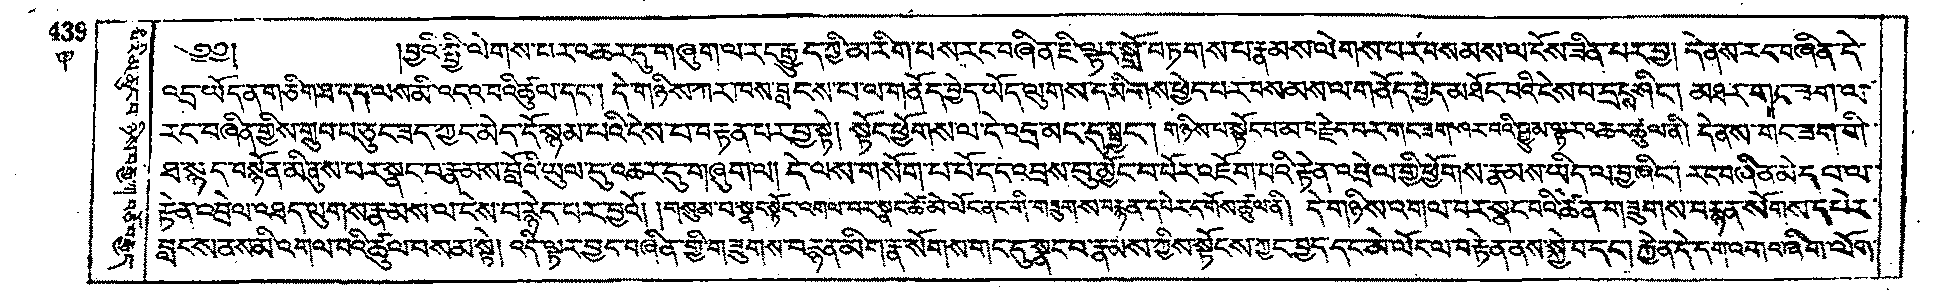༄༅། །བྱའི་སྤྱི་ལེགས་པར་འཆར་དུ་གཞུག་ལ་རང་རྒྱུད་ཀྱི་མ་རིག་པས་རང་བཞིན་ཇི་ལྟར་སྒྲོ་བཏགས་པ་རྣམས་ལེགས་པར་བསམས་ལ་ངོས་ཟིན་པར་བྱ། དེ་ནས་རང་བཞིན་དེ་
འདྲ་ཡོད་ན་གཅིག་ཐ་དད་ལས་མི་འདའ་བའི་ཚུལ་དང་། དེ་གཉིས་ཀར་ཁས་བླངས་པ་ལ་གནོད་བྱེད་ཡོད་ལུགས་དམིགས་ཕྱེད་པར་བསམས་ལ་གནོད་བྱེད་མཐོང་བའི་ངེས་པ་དྲངས་ཤིང་། མཐར་གང་ཟག་ལ་
རང་བཞིན་གྱིས་གྲུབ་པ་ཅུང་ཟད་ཀྱང་མེད་དོ་སྙམ་པའི་ངེས་པ་བརྟན་པར་བྱ་སྟེ། སྟོང་ཕྱོགས་ལ་དེ་འདྲ་མང་དུ་སྦྱང་། གཉིས་པ་སྟོང་པ་མ་བརྗེད་པར་གང་ཟག་ཤར་བའི་སྒྱུ་མ་ལྟར་འཆར་ཚུལ་ནི།  དེ་ནས་གང་ཟག་གི་
ཐ་སྙད་བསྙོན་མི་ནུས་པར་སྣང་བ་རྣམས་བློའི་ཡུལ་དུ་འཆར་དུ་གཞུག་ལ། དེ་ལས་གསོག་པ་པོ་དང་འབྲས་བུ་མྱོང་བ་པོར་འཇོག་པའི་རྟེན་འབྲེལ་གྱི་ཕྱོགས་རྣམས་ཡིད་ལ་བྱ་ཞིང་། རང་བཞིན་མེད་པ་ལ་
རྟེན་འབྲེལ་འཐད་ལུགས་རྣམས་ལ་ངེས་པ་རྙེད་པར་བྱའོ། །གསུམ་པ་སྣང་སྟོང་འགལ་བར་སྣང་ཚེ་མེ་ལོང་ནང་གི་གཟུགས་བརྙན་དཔེར་དགོས་ཚུལ་ནི།  དེ་གཉིས་འགལ་བར་སྣང་བའི་ཚེ་ན་གཟུགས་བརྙན་སོགས་དཔེར་
བླངས་ནས་མི་འགལ་བའི་ཚུལ་བསམ་སྟེ། འདི་ལྟར་བྱང་བཞིན་གྱི་གཟུགས་བརྙན་མིག་རྣ་སོགས་གང་དུ་སྣང་བ་རྣམས་ཀྱིས་སྟོངས་ཀྱང་བྱད་དང་མེ་ལོང་ལ་བརྟེན་ནས་སྐྱེ་བ་དང་། རྐྱེན་དེ་དག་འགའ་ཞིག་ལོག་